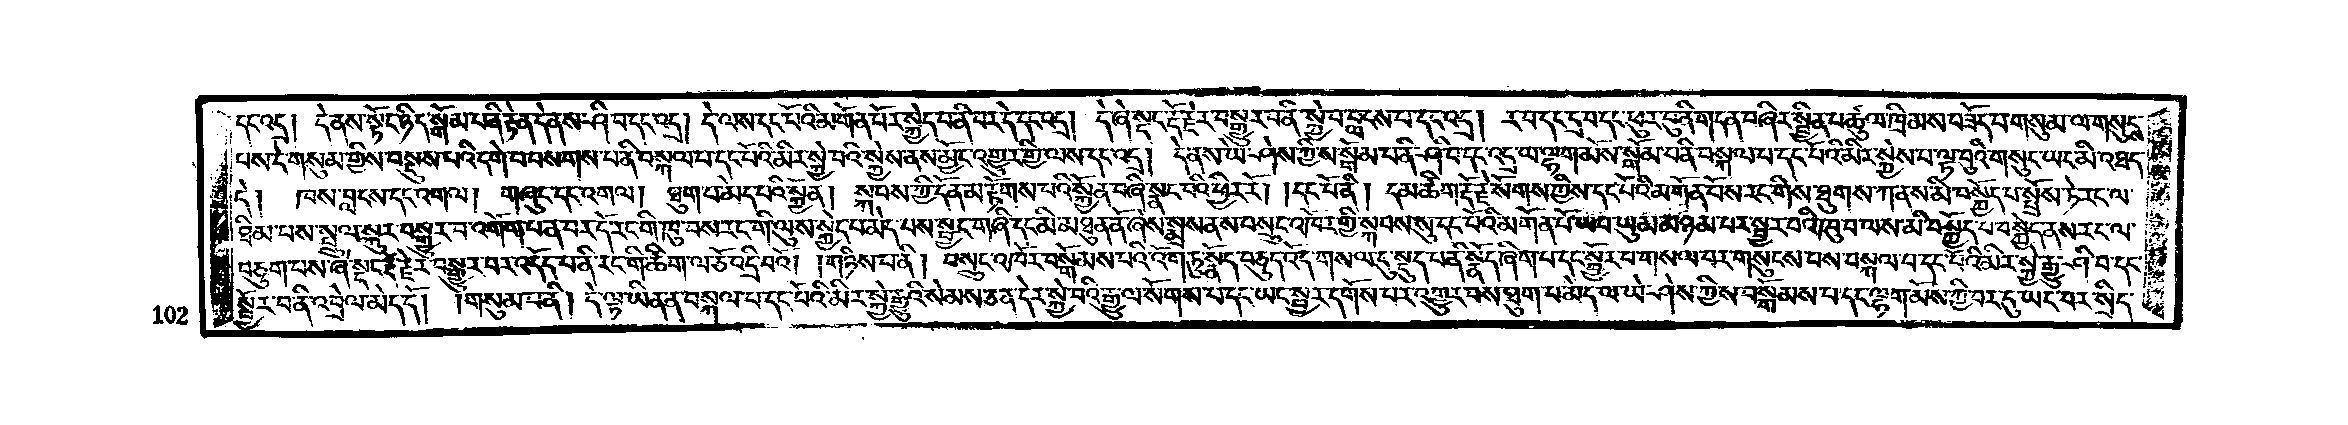དང་འདྲ། དེ་ནས་སྟོང་ཉིད་སྒོམ་པ་ནི་རྟེན་དེ་ནས་ཤི་བ་དང་འདྲ། དེ་ལས་དང་པོའི་མགོན་པོར་སྐྱེད་པ་ནི་བར་དོ་དང་འདྲ། དེ་ཞེ་སྡང་རྡོ་རྗེར་བསྒྱུར་བ་ནི་སྐྱེ་བ་བླངས་པ་དང་འདྲ། ར་བ་དང་དྲ་བ་དང་ཕུར་བུ་ནི་གདན་བཞིར་སྦྱིན་པ་ཚུལ་ཁྲིམས་བཟོད་པ་གསུམ་ལ་གསུངས་
པས་དེ་གསུམ་གྱིས་བསྡུས་པའི་དགེ་བ་བསགས་པ་ནི་བསྐལ་པ་དང་པོའི་མིར་སྐྱེ་བའི་སྐྱེས་ནས་མྱོང་འགྱུར་གྱི་ལས་དང་འདྲ། དེ་ནས་ཡེ་ཤེས་ཀྱི་ས་སྒོམ་པ་ནི་ཤི་བ་དང་འདྲ་ལ་ལྷག་མོས་སྒོམ་པ་ནི་བསྐལ་པ་དང་པོའི་མིར་སྐྱེས་པ་ལྟ་བུའི་གསུང་ཡང་མི་འཐད་
དེ། ཁས་བླངས་དང་འགལ། གཞུང་དང་གལ། ཐུག་པ་མེད་པའི་སྐྱོན། སྐབས་ཀྱི་དོན་མ་རྟོགས་པའི་སྐྱོན་བཞི་སྣང་བའི་ཕྱིར་རོ། །དང་པོ་ནི། དམ་ཚིག་རྡོ་རྗེ་སོགས་ཀྱིས་དང་པོའི་མགོན་པོས་རང་གིས་ཐུགས་ཀ་ནས་མི་བསྐྱོད་པ་སྤྲོས་ཏེ་རང་ལ་
ཐིམ་པས་སྤྲུལ་སྐུར་བསྒྱུར་བ་འགོག་པ་ན་བར་དོ་རང་གི་ཁུ་བས་རང་གི་ལུས་སྐྱེད་པ་མེད་པས་སྦྱང་གཞི་དང་མི་མཐུན་ནོ་ཞེས་སྨྲས་ནས་བསྲུང་འཁོར་གྱི་སྐབས་སུ་དང་པོའི་མགོན་པོ་ཡབ་ཡུམ་མཉམ་པར་སྦྱར་བའི་ཁུ་བ་ལས་མི་བསྐྱོད་པ་བསྐྱེད་ནས་རང་ལ་
བཅུག་པས་ཞེ་སྡང་རྡོ་རྗེར་བསྒྱུར་བར་འདོད་པ་ནི་རང་གི་ཚིག་ལ་ཅོ་འདྲི་བའོ། །གཉིས་པ་ནི། བསྲུང་འཁོར་བསྒོམས་པའི་འོག་ཏུ་སྣོད་བཅུད་འོད་གསལ་དུ་སྡུད་པ་ནི་སྣོད་ཞིག་པ་དང་སྦྱོར་བ་གསལ་བར་གསུངས་པས་བསྐལ་པ་དང་པོའི་མིར་སྐྱེ་རྒྱུ་ཤི་བ་དང་
སྦྱོར་བ་ནི་འབྲེལ་མེད་དོ། །གསུམ་པ་ནི། དེ་ལྟ་ཡིན་ན་བསྐལ་པ་དང་པོའི་མིར་སྐྱེ་རྒྱུའི་སེམས་ཅན་དེར་སྐྱེ་བའི་རྒྱུ་ལ་སོགས་པ་དང་ཡང་སྦྱར་དགོས་པར་འགྱུར་བས་ཐུག་པ་མེད་ལ་ཡེ་ཤེས་ཀྱིས་བསྒོམས་པ་དང་ལྷག་མོས་ཀྱི་བར་དུ་ཡང་བར་སྲིད་